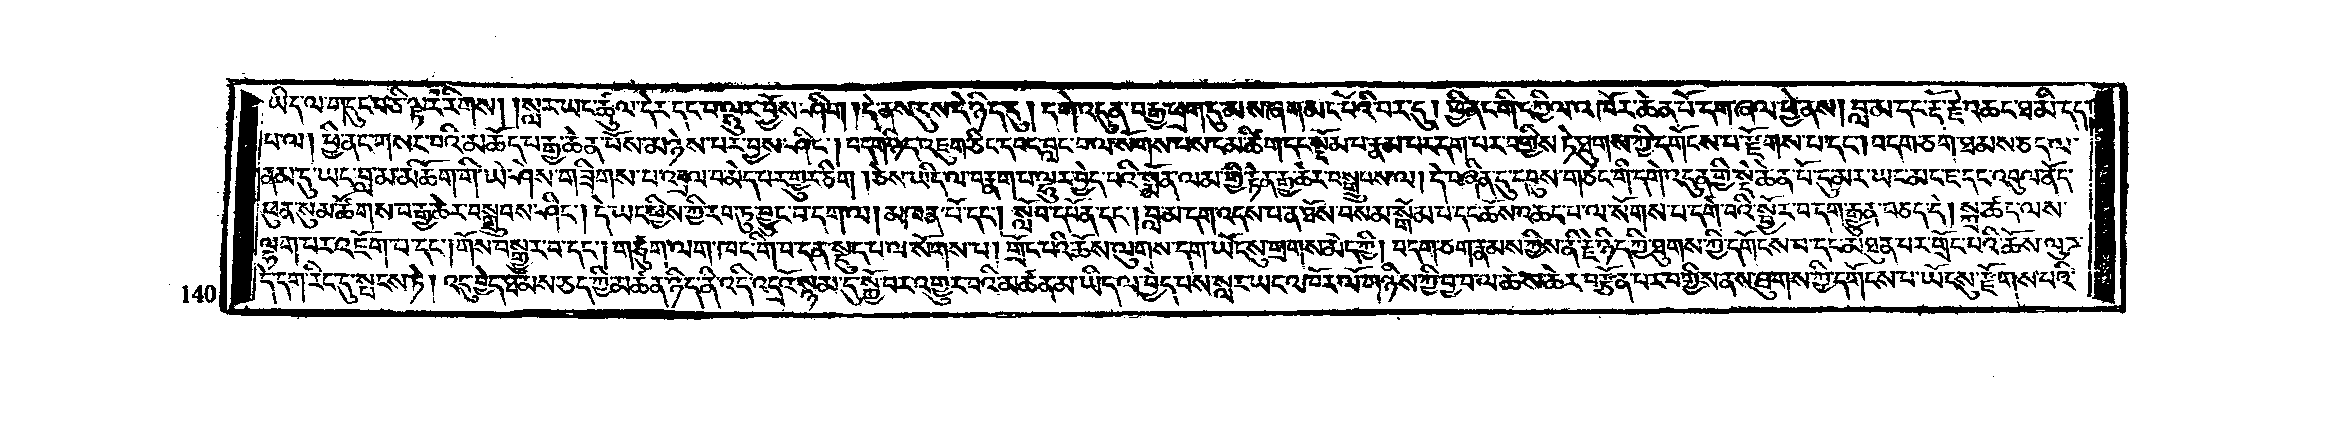ཡིད་ལ་གདུང་བ་ཅི་ལྟར་རིགས། །སླར་ཡང་ཚུལ་དེར་དང་བ་ལྷུར་བྱོས་ཤིག །དེ་ནས་དུས་དེ་ཉིད་དུ། དགེ་འདུན་བརྒྱ་ཕྲག་དུ་མས་ཞག་མང་པོའི་བར་དུ། ཕྱི་ནང་གི་དཀྱིལ་འཁོར་ཆེན་པོ་དག་ཞལ་ཕྱེ་ནས། བླ་མ་དང་རྡོ་རྗེ་འཆང་ཐ་མི་དད་
པ་ལ། ཕྱི་ནང་གསང་བའི་མཆོད་པ་རྒྱ་ཆེན་པོས་མཉེས་པར་བྱས་ཤིང་། བདག་ཉིད་འཇུག་ཅིང་དབང་བླང་བ་ལ་སོགས་པས་དམ་ཚིག་དང་སྡོམ་པ་རྣམ་པར་དག་པར་བགྱིས་ཏེ་ཐུགས་ཀྱི་དགོངས་པ་རྫོགས་པ་དང་། བདག་ཅག་ཐམས་ཅད་ལ་
ནམ་དུ་ཡང་བླ་མ་མཆོག་གི་ཡེ་ཤེས་གཟིགས་པ་འབྲལ་བ་མེད་པར་གྱུར་ཅིག །ཅེས་ཡིད་ལ་བརྣག་པ་ལྷུར་བྱེད་པའི་སྨོན་ལམ་གྱི་རྟེན་རྒྱ་ཆེར་བསྒྲུབས་ལ། དེ་བཞིན་དུ་དབུས་གཙང་གི་དགེ་འདུན་གྱི་སྡེ་ཆེན་པོ་དུ་མར་ཡང་མང་ཇ་དང་འབུལ་ནོད་
ཕུན་སུམ་ཚོགས་པ་རྒྱ་ཆེར་བསྒྲུབས་ཤིང་། དེ་ཡང་ཕྱིས་ཀྱི་རབ་ཏུ་བྱུང་བ་དག་ལ། མཁན་པོ་དང་། སློབ་དཔོན་དང་། བླ་མ་དག་འདས་པ་ན་ཐོས་བསམ་སྒོམ་པ་དང་ཆོས་འཆད་པ་ལ་སོགས་པ་དགེ་བའི་སྦྱོར་བ་དག་རྒྱུན་བཅད་དེ། སྐྲ་ཚད་ལས་
ལྷག་པར་འཇོག་པ་དང་། གོས་བསྒྱུར་བ་དང་། གཙུག་ལག་ཁང་གི་བ་དན་སྡུད་པ་ལ་སོགས་པ། གྲོང་པའི་ཆོས་ལུགས་དག་ཡོངས་སུ་གྲགས་མེད་ཀྱི། བདག་ཅག་རྣམས་ཀྱིས་ནི་རྗེ་ཉིད་ཀྱི་ཐུགས་ཀྱི་དགོངས་པ་དང་མཐུན་པར་གྲོང་པའི་ཆོས་ལུགས་
དེ་དག་རིང་དུ་སྤངས་ཏེ། འདུ་བྱེད་ཐམས་ཅད་ཀྱི་མཚན་ཉིད་ནི་འདི་འདྲའོ་སྙམ་དུ་སྐྱོ་བར་འགྱུར་བའི་མཚན་མ་ཡིད་ལ་བྱེད་པས་སླར་ཡང་འཁོར་ལོ་གཉིས་ཀྱི་བྱ་བ་ལ་ཆེས་ཆེར་བརྩོན་པར་བགྱིས་ནས་ཐུགས་ཀྱི་དགོངས་པ་ཡོངས་སུ་རྫོགས་པའི་